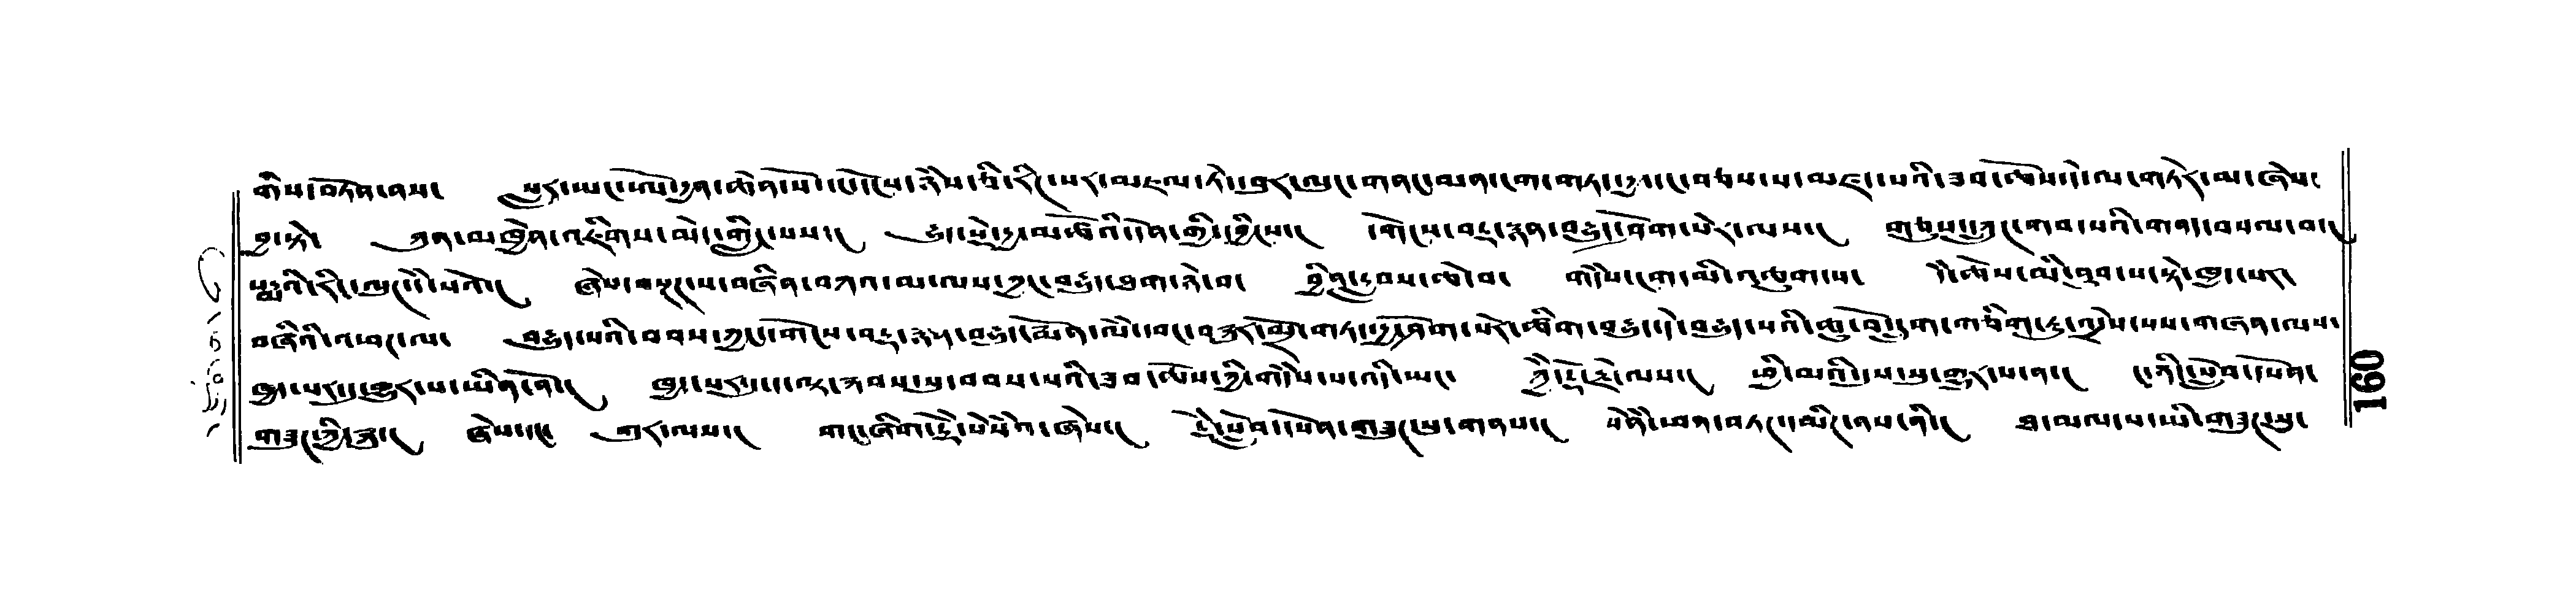གིས་བཏོན་ནས། སླར་ཡང་ཨོ་རྒྱན་ཆེན་པོ་དང་དངོས་ཉམས་ཅི་རིགས་པར་མཇལ་ཏེ་དབང་བསྐུར་ལུང་གནང་མན་ངག་གཏད་རྒྱ་དང་བཅས་པ་མཛད་པའི་ཟབ་ཆོས་དེ་ལ་གཏེར་མ་ཞེས་
བྱ་སྟེ། ཀུན་མཁྱེན་འཇིགས་མེད་གླིང་པས། རྒྱུད་སྡེ་རྒྱ་མཚོའི་དོན་གྱི་དབྱིངས། །དགོངས་བརྡ་སྙན་བརྒྱུད་ཤོར་སེར་ལས། །གཅུས་དཀྲུགས་གབ་པའི་གནད་གསལ་བ། །
པདྨའི་རིང་ལུགས་དམ་པའོ། །ཞེས་བསྔགས་པ་བཞིན་བཀའ་མ་ལས་ཀྱང་བརྒྱུད་ཐག་ཉེ་བ། བྱིན་རླབས་ཆེ་བ། གདམས་ངག་མི་འཆུག་པ། དམ་ཆོས་མི་ནུབ་པ་སྟེ་ཁྱད་པར་
བཞིས་འཕགས་ལ། བརྒྱུད་པའི་བབས་ཀྱང་དགོངས་བརྡ་སྙན་བརྒྱུད་སྨོན་ལམ་དབང་བསྐུར་མཁའ་འགྲོ་གཏད་རྒྱ་ཤོག་སེར་ཚིག་བརྒྱུད་དེ་བརྒྱུད་པའི་ཆུ་བོ་དྲུག་གཅིག་ཏུ་འདྲེས་པས་གཞན་ལས་
ཁྱད་པར་དུ་གྱུར་པ་ཡིན་ནོ།ཁྱད་པར་དུ་ད་ལྟ་སྐབས་སུ་བབས་པའི་ཟབ་ཆོས་ཀྱི་གདམས་པ་འདི་ཡང་། ཀྱཻ་རྡོ་རྗེ་ལས། ཕྱི་མའི་དུས་སུ་གྱུར་པ་ན། །ང་ཉིད་སློབ་དཔོན་
གཟུགས་ཀྱི་སྐུ། ཞེས་དང་། གུར་ལས། གང་ཞིག་རྡོ་རྗེ་སེམས་དཔའ་ཞེས། །རྡོ་རྗེ་སློབ་དཔོན་གཟུགས་སུ་གནས། སེམས་ཅན་ཕན་བཏགས་དམིགས་ནས་ནི། །ཐ་མལ་པ་ཡི་གཟུགས་སུ་